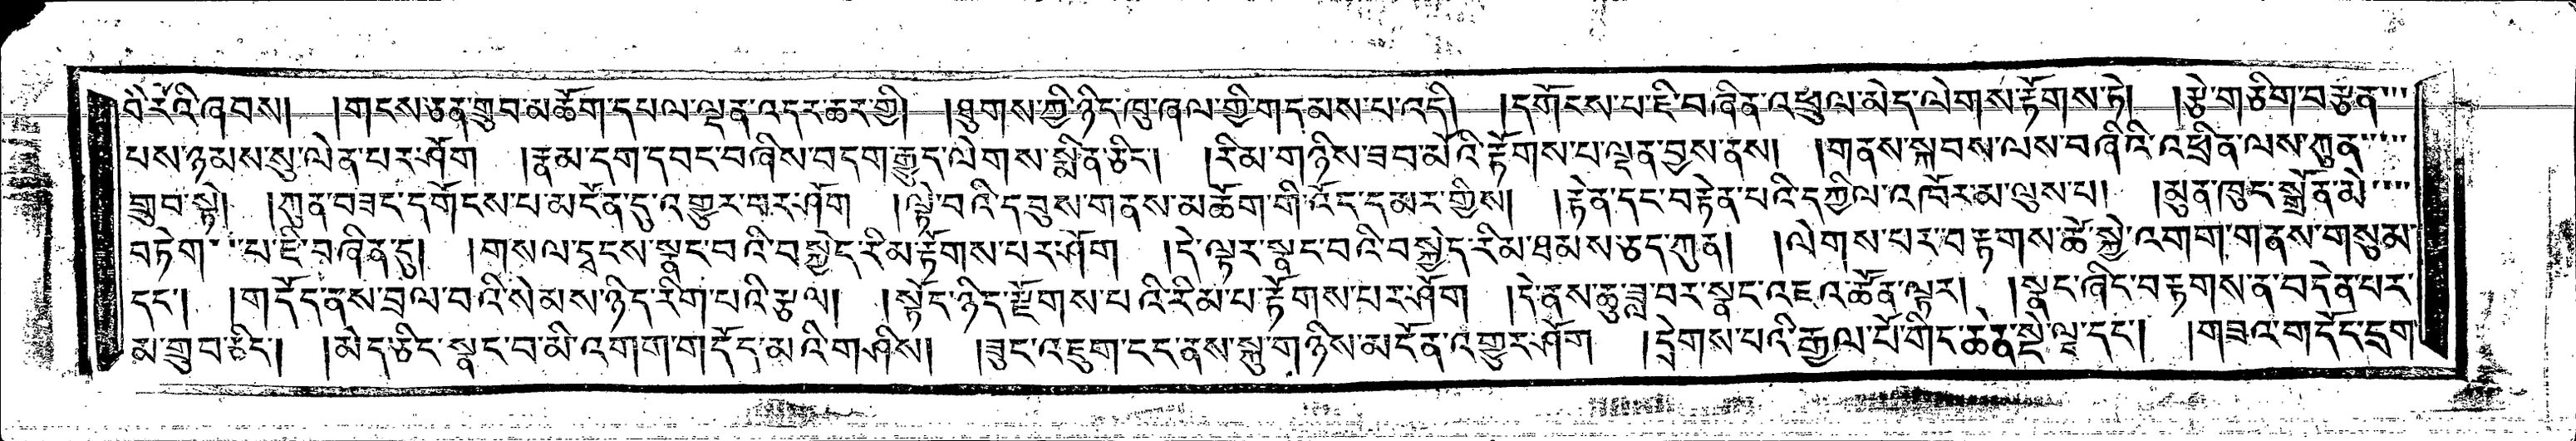བི་རོའི་ཞབས། །གངས་ཅན་གྲུབ་མཆོག་དཔལ་ལྡན་འདར་ཆར་གྱི། །ཐུགས་ཀྱི་ཉིད་ཁུ་ཞལ་གྱི་གདམས་པ་འདི། །དགོངས་པ་ཇི་བཞིན་འཕྲུལ་མེད་ལེགས་རྟོགས་ཏེ། །རྩེ་གཅིག་བརྩན་
པས་ཉམས་སུ་ལེན་པར་ཤོག །རྣམ་དག་དབང་བཞིས་བདག་རྒྱུད་ལེགས་སྨིན་ཅིང་། །རིམ་གཉིས་ཟབ་མོའི་རྟོགས་པ་ལྡན་བྱས་ནས། །གནས་སྐབས་ལས་བཞིའི་འཕྲིན་ལས་ཀུན་
གྲུབ་སྟེ། །ཀུན་བཟང་དགོངས་པ་མངོན་དུ་འགྱུར་བར་ཤོག །ལྟེ་བའི་དབུས་གནས་མཆོག་གི་འོད་དམར་གྱིས། །རྟེན་དང་བརྟེན་པའི་དཀྱིལ་འཁོར་མ་ལུས་པ། །མུན་ཁུང་སྒྲོན་མེ་
བཏེག་པ་ཇི་བཞིན་དུ། །གསལ་དྭངས་སྣང་བའི་བསྐྱེད་རིམ་རྟོགས་པར་ཤོག །དེ་ལྟར་སྣང་བའི་བསྐྱེད་རིམ་ཐམས་ཅད་ཀུན། །ལེགས་པར་བརྟགས་ཚེ་སྐྱེ་འགག་གནས་གསུམ་
དང་། །གདོད་ནས་བྲལ་བའི་སེམས་ཉིད་རིག་པའི་རྩལ། །སྟོང་ཉིད་རྫོགས་པའི་རིམ་པ་རྟོགས་པར་ཤོག །དེ་ནས་ཆུ་ཟླ་བར་སྣང་འཇའ་ཚོན་ལྟར། །སྣང་ཞིང་བརྟགས་ན་བདེན་པར་
མ་གྲུབ་ཅིང་། །མེད་ཅིང་སྣང་བ་མི་འགག་གདོད་མའི་གཤིས། །ཟུང་འཇུག་ངང་ནས་སྐུ་གཉིས་མངོན་འགྱུར་ཤོག །དྲེགས་པའི་རྒྱལ་པོ་གིང་ཆེན་སྡེ་ལྔ་དང་། །གཟའ་གདོང་དྲག་